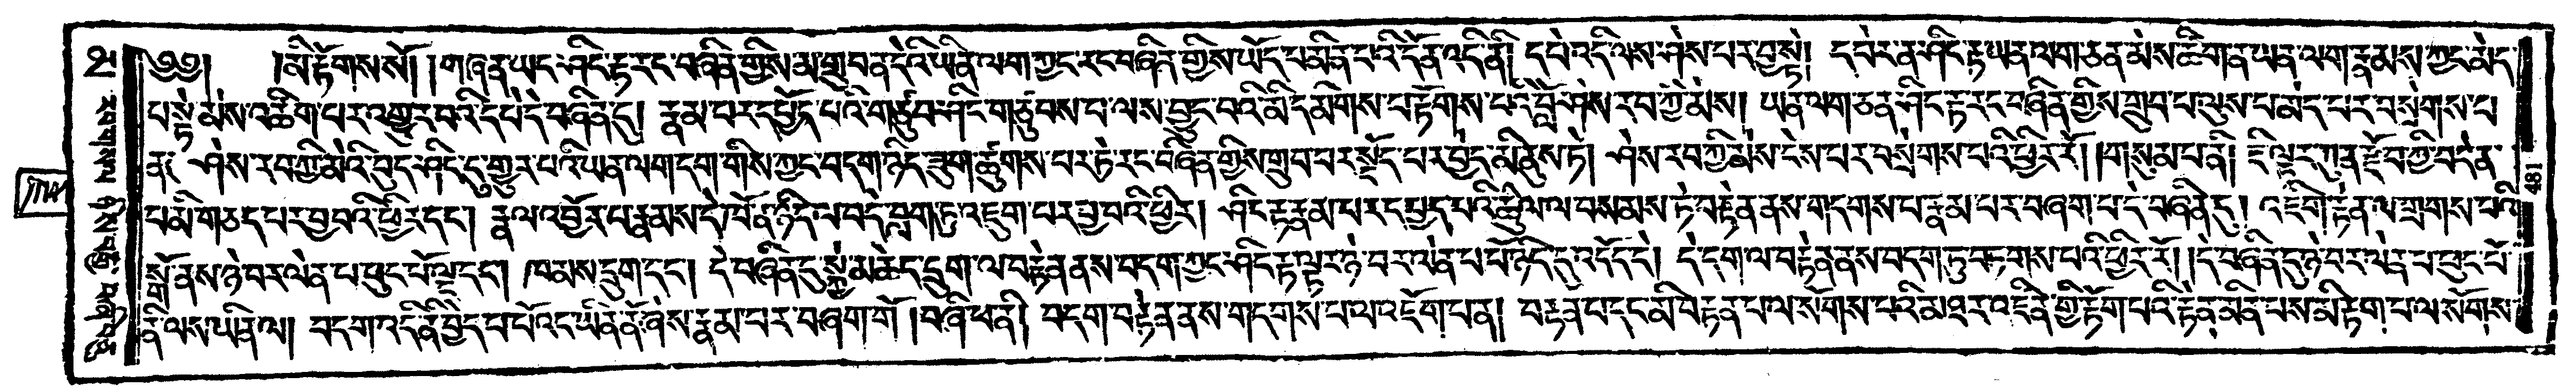༄༅། །མི་རྟོགས་སོ། །གཞན་ཡང་ཤིང་རྟ་རང་བཞིན་གྱིས་མ་གྲུབ་ན་དེའི་ཡན་ལག་ཀྱང་རང་བཞིན་གྱིས་ཡོད་པ་མིན་པའི་དོན་འདི་ནི། དཔེ་འདི་ལས་ཤེས་པར་བྱ་སྟེ། དཔེར་ན་ཤིང་རྟ་ཡན་ལག་ཅན་མེས་ཚིག་ན་ཡན་ལག་རྣམས་ཀྱང་མེད་
པ་སྟེ་མེས་འཚིག་པར་འགྱུར་བའི་དཔེ་དེ་བཞིན་དུ། རྣམ་པར་དཔྱོད་པའི་གཙུབ་ཤིང་གཙུབས་པ་ལས་བྱུང་བའི་མི་དམིགས་པ་རྟོགས་པའི་བློ་ཤེས་རབ་ཀྱི་མེས། ཡན་ལག་ཅན་ཤིང་རྟ་རང་བཞིན་གྱིས་གྲུབ་པ་ལུས་པ་མེད་པར་བསྲེགས་པ་
ན༑ ཤེས་རབ་ཀྱི་མེའི་བུད་ཤིང་དུ་གྱུར་པའི་ཡན་ལག་དག་གིས་ཀྱང་བདག་ཉིད་ཟུག་ཚུགས་པར་ཏེ་རང་བཞིན་གྱིས་གྲུབ་པར་སྡད་པར་བྱེད་མི་ནུས་ཏེ། ཤེས་རབ་ཀྱི་མེས་ངེས་པར་བསྲེགས་པའི་ཕྱིར་རོ། །གསུམ་པ་ནི། ཇི་ལྟར་ཀུན་རྫོབ་ཀྱི་བདེན་
པ་མི་གཅད་པར་བྱ་བའི་ཕྱིར་དང་། རྣལ་འབྱོར་པ་རྣམས་དེ་ཁོ་ན་ཉིད་ལ་བདེ་བླག་ཏུ་འཇུག་པར་བྱ་བའི་ཕྱིར། ཤིང་རྟ་རྣམ་པར་དཔྱད་པའི་ཚུལ་ལ་བསམས་ཏེ་བརྟེན་ནས་གདགས་པ་རྣམ་པར་བཞག་པ་དེ་བཞིན་དུ། འཇིག་རྟེན་ལ་གྲགས་པའི་
སྒོ་ནས་ཉེ་བར་ལེན་པ་ཕུང་པོ་ལྔ་དང་། ཁམས་དྲུག་དང་། དེ་བཞིན་དུ་སྐྱེ་མཆེད་དྲུག་ལ་བརྟེན་ནས་བདག་ཀྱང་ཤིང་རྟ་ལྟར་ཉེ་བར་ལེན་པ་པོ་ཉིད་དུ་འདོད་དེ། དེ་དག་ལ་བརྟེན་ནས་བདག་ཏུ་བཏགས་པའི་ཕྱིར་རོ། །དེ་བཞིན་དུ་ཉེ་བར་ལེན་པ་ཕུང་པོ་
ནི་ལས་ཡིན་ལ། བདག་འདི་ནི་བྱེད་པ་པོའང་ཡིན་ནོ་ཞེས་རྣམ་པར་བཞག་གོ །བཞི་པ་ནི། བདག་བརྟེན་ནས་གདགས་པ་ལ་འཇོག་པ་ན། བརྟན་པ་དང་མི་བརྟན་པ་ལ་སོགས་པའི་མཐར་འཛིན་གྱི་རྟོག་པའི་རྟེན་མིན་པས་མི་རྟག་པ་ལ་སོགས་